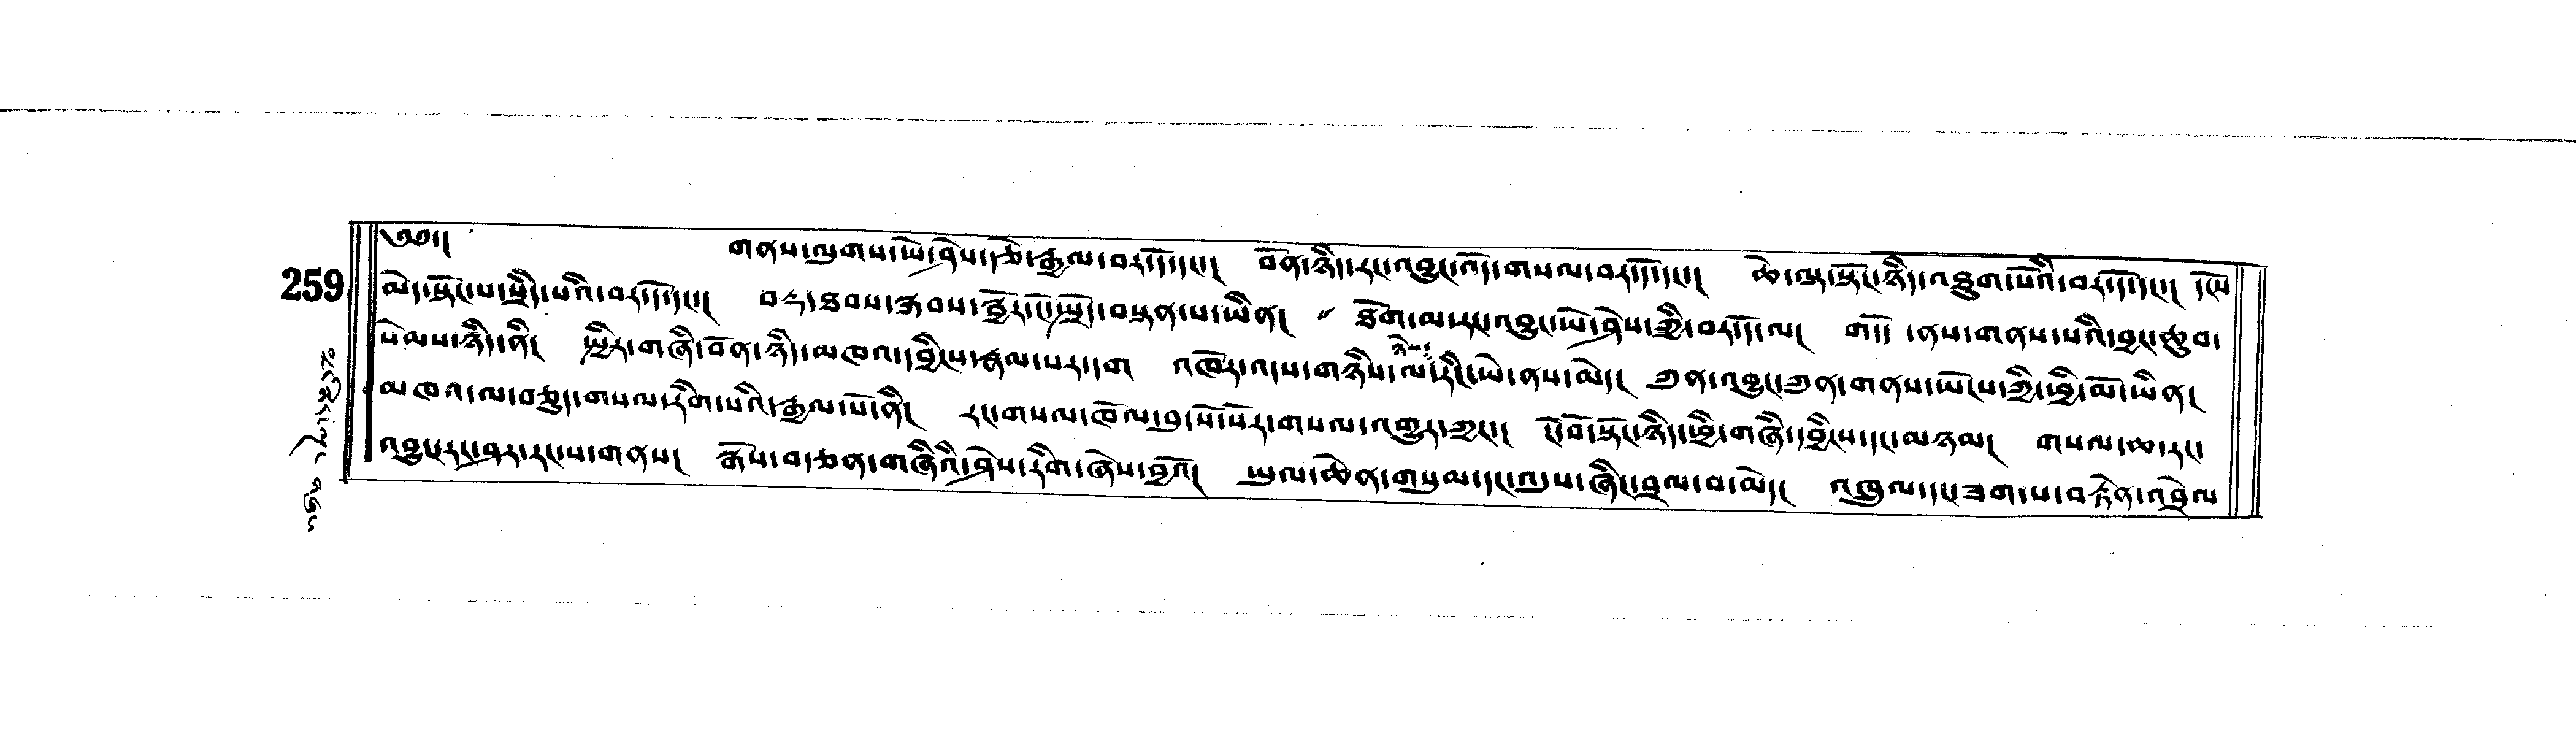གནས་ལུགས་ཡེ་ཤེས་རྩེ་རྒྱལ་བར་དོ་དང་། བོན་ཉིད་རང་འབྱུང་འོད་གསལ་བར་དོ་དང་། ཆེ་ལྟ་སྟོང་ཉིད་འཐུག་པོའི་བར་དོ་དང་། དངོས་
མེད་སྟོང་པ་སྲིད་པའི་བར་དོ་དང་། བརྡ་ཐབས་སྐབས་སྦྱོར་ངོ་སྤྲོད་བསྟན་པ་ཡིན། ༧ ཐོག་མ་རང་འབྱུང་ཡེ་ཤེས་ཀྱི་བར་དོ་ལ། གདོད་ནས་གནས་པའི་བྱང་ཆུབ་
སེམས་ཉིད་ནི། སྤྱིར་གཞི་བོན་ཉིད་མཁའ་དབྱིངས་རྣམ་པར་དག འཁོར་འདས་གཉིས་ལ་ཉེ་རིང་ཡེ་ནས་མེད། ཀུན་འབྱུང་ཀུན་གནས་ཡོངས་ཀྱི་ཕྱི་མོ་ཡིན། 
མཁའ་ལ་བཅུད་གསལ་རིག་པའི་རྒྱལ་པོ་ནི། རང་གསལ་ཁོལ་བུ་སོ་སོར་གསལ་འགྱུར་ཀྱང་། ངོ་བོ་སྟོང་ཉིད་ཕྱི་གཞི་དབྱིངས་དང་མཉམ། གསལ་ཆ་རང་
འབྱུང་རང་ཤར་རང་ས་གནས། སྒོས་བཙན་གཞིའི་ཤེས་རིག་ཞེས་བྱའོ། ཡུལ་ཆེན་གསུམ་དང་འདུས་ཤིང་བྲལ་བ་མེད། འཁྲུལ་དང་ཟག་པ་རྟེན་འབྲེལ་